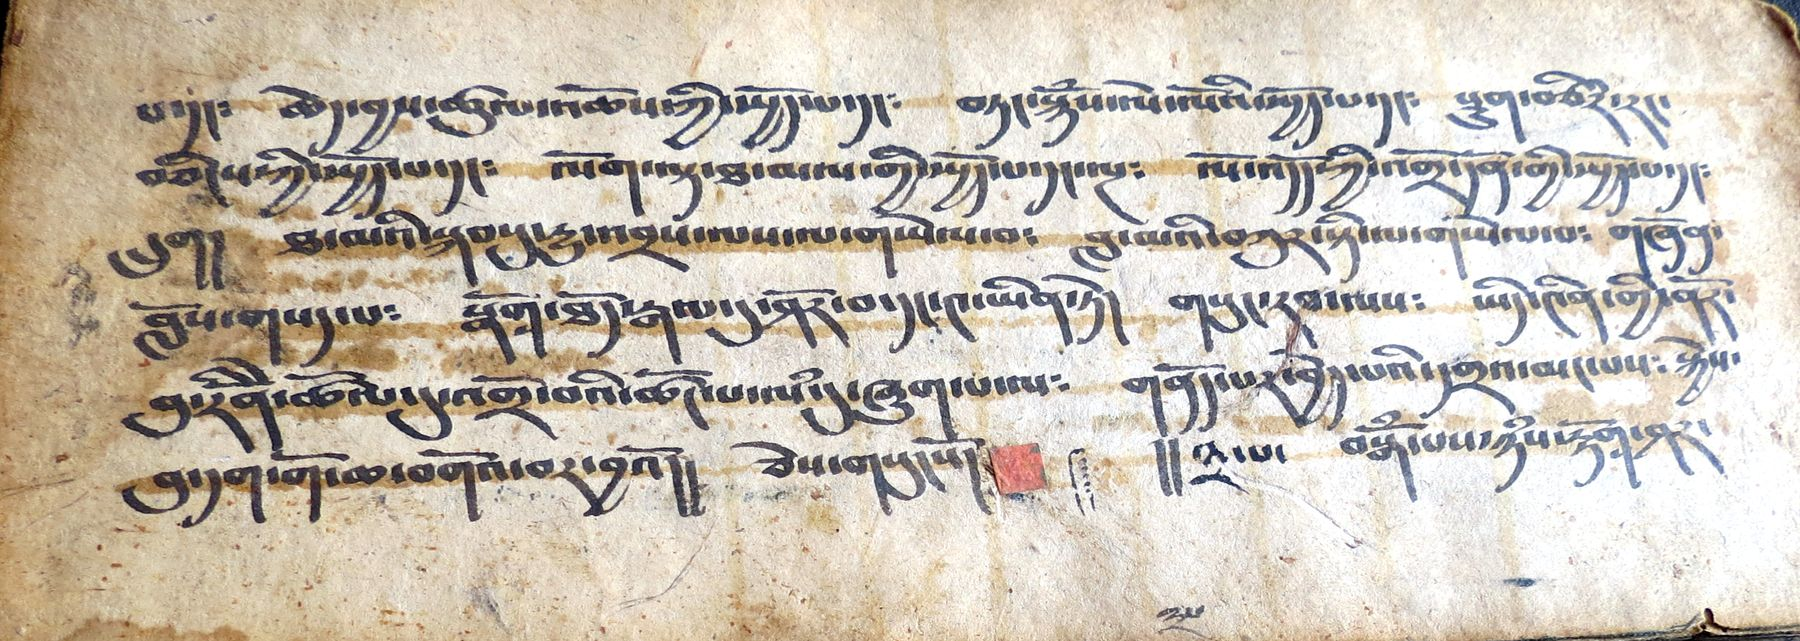པ་དང་། ཆེད་བྱས་ཚུལ་འཆོས་ཀྱི་སྤྱོད་པ་དང་། བཏང་སྙོམས་ལེ་ལོའི་སྤྱོད་པ་དང་། སྡུག་བཙིར་རང་
བཅིང་གི་སྤྱོད་པ་དང་ལོག་ལྟ་ཐ་མལ་གྱི་སྤྱོད་པ་དང་ལྔ། ལོ་འདོད་འགྲོ་དོན་གྱི་སྤྱོད་པ་དང་
དྲུག ཐ་མའི་སྐབས་སུ་རྒྱུ་འབྲས་ལ་གཡེལ་བ། བླ་མའི་བཀུར་བསྟི་ལ་གཡེལ་བ། གཞན་དོན་
བློ་བསད་པ། སྣ་ཚོགས་ཐོད་རྒལ་དུ་ཤོར་བ་བཞི་ཡིན་ཏེ། གསུང་རབ་ལས། ཡིད་བཞིན་གྱི་ནོར་
བུ་རིན་པོ་ཆེ་ཚོལ་དུ་འགྲོ་བའི་ཚོང་པ་ལམ་དུ་ཞུགས་པ་ལ། གནོད་པར་བྱེད་པའི་དགྲ་མང་བས། སྐྱེས་
བུ་དག་གོ་ཆ་བགོ་བར་བྱའོ། ཞེས་གསུངས་སོ། ། གསུམ་པ་བསྒོམས་པས་ཉམས་རྟོགས་ཤར་